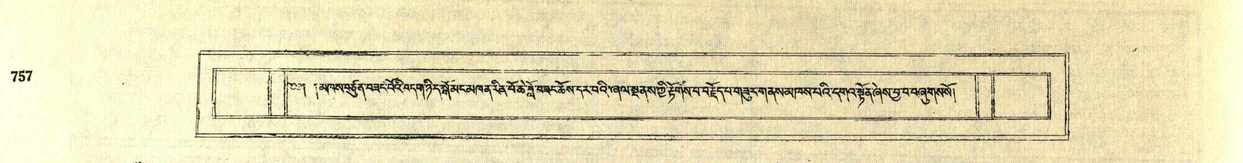༄༅། །མཁས་བཙུན་བཟང་པོའི་བདག་ཉིད་སྒོ་མང་མཁན་རིན་པོ་ཆེ་བློ་བཟང་ཆོས་དར་བའི་ཞལ་སྔ་ནས་ཀྱི་རྟོགས་པ་བརྗོད་པ་གཟུར་གནས་མཁས་པའི་དགའ་སྟོན་ཞེས་བྱ་བ་བཞུགས་སོ།